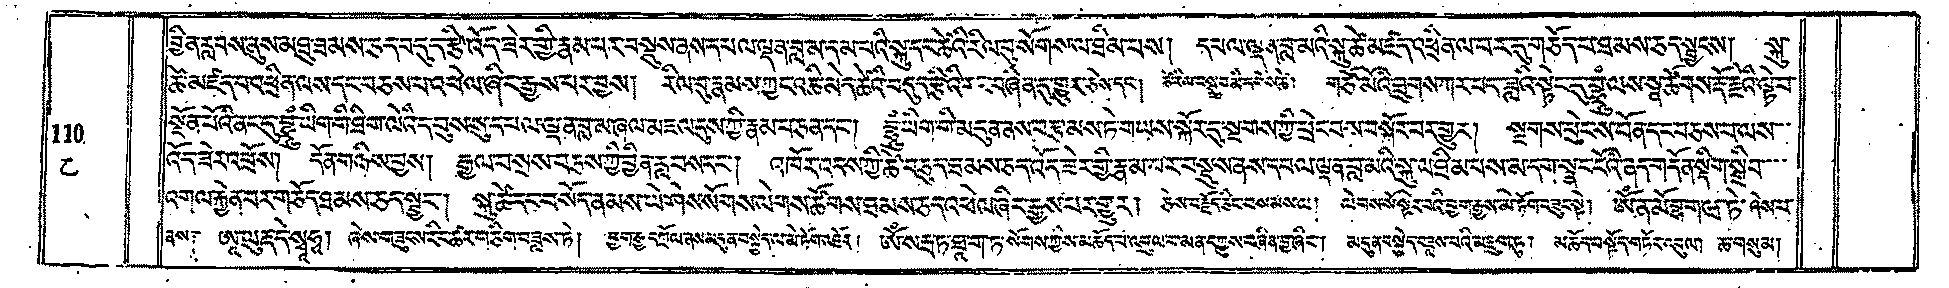བྱིན་རླབས་ནུས་མཐུ་ཐམས་ཅད་བདུད་རྩི་འོད་ཟེར་གྱི་རྣམ་པར་བསྡུས་ནས་དཔལ་ལྡན་བླ་མ་དམ་པའི་སྐུ་དང་ཚེའི་རིལ་བུ་སོགས་ལ་ཐིམ་པས། དཔལ་ལྡན་བླ་མའི་སྐུ་ཚེ་མཛད་འཕྲིན་ལ་བར་དུ་གཅོད་པ་ཐམས་ཅད་སྦྱངས། སྐུ་
ཚེ་མཛད་པ་འཕྲིན་ལས་དང་བཅས་པ་འཕེལ་ཞིང་རྒྱས་པར་བྱས། རིལ་བུ་རྣམས་ཀྱང་འཆི་མེད་ཚེའི་བདུད་རྩིའི་རང་བཞིན་དུ་གྱུར་ཅེས་དང་། ཚེ་རིལ་བསྒྲུབ་མི་དགོས་ཚེ།  གཙོ་མོའི་ཐུགས་ཀར་པད་ཟླའི་སྟེང་དུ་བྷྲཱུཾ་ལས་སྣ་ཚོགས་རྡོ་རྗེའི་ལྟེ་བ་
སྔོན་པོའི་ནང་དུ་བྷྲཱུཾ་ཡིག་གི་ཐིག་ལེའི་དབུས་སུ་དཔལ་ལྡན་བླ་མ་ཞལ་མཇལ་དུས་ཀྱི་རྣམ་པ་ཅན་དང་། བྷཱུཾ་ཡིག་གི་མདུན་ནས་བརྩམས་ཏེ་གཡས་སྐོར་དུ་སྔགས་ཀྱི་ཕྲེང་བས་བསྐོར་བར་གྱུར། སྔགས་ཕྲེང་ས་བོན་དང་བཅས་པ་ལས་་་
འོད་ཟེར་འཕྲོས། དོན་གཉིས་བྱས། རྒྱལ་བ་སྲས་བཅས་ཀྱི་བྱིན་རླབས་དང་། འཁོར་འདས་ཀྱི་ཚེ་བཅུད་ཐམས་ཅད་འོད་ཟེར་གྱི་རྣམ་པར་བསྡུས་ནས་དཔལ་ལྡན་བླ་མའི་སྐུ་ལ་ཐིམ་པས་མ་དག་སྣང་ངོའི་ནད་གདོན་སྡིག་སྒྲིབ་་་
འགལ་རྐྱེན་བར་གཅོད་ཐམས་ཅད་སྦྱང་། སྐུ་ཚེ་དང་བསོད་ནམས་ཡེ་ཤེས་སོགས་ལེགས་ཚོགས་ཐམས་ཅད་འཕེལ་ཞིང་རྒྱས་པར་གྱུར། ཅེས་བརྗོད་ཅིང་བསམས་ལ། ལེགས་སོ་སྟེར་བའི་ཕྱག་རྒྱས་མེ་ཏོག་བཟུང་སྟེ།  ཨོཾ་ན་མོ་བྷ་ག་ཝ་ཏེ་ཞེས་པ་
ནས༑ ཨཱ་ཡུརྡ་དེ་སྭཱཧཱ། ཞེས་གཟུངས་རིང་ཚར་གཅིག་བཟླས་ཏེ། ཕྱག་རྒྱ་དཀྲོལ་ནས་མདུན་བསྐྱེད་ལ་མེ་ཏོག་འཐོར།  ཨོཾ་སརྦ་ཏ་ཐཱ་ག་ཏ་སོགས་ཀྱིས་མཆོད་པ་འབུལ་བ་མན་དཀྱུས་བཞིན་བྱ་ཞིང་། མདུན་བསྐྱེད་བཟླས་པའི་མཇུག་ཏུ། མཆོད་བསྟོད་གཏོར་འབུལ། ཆ་གསུམ།